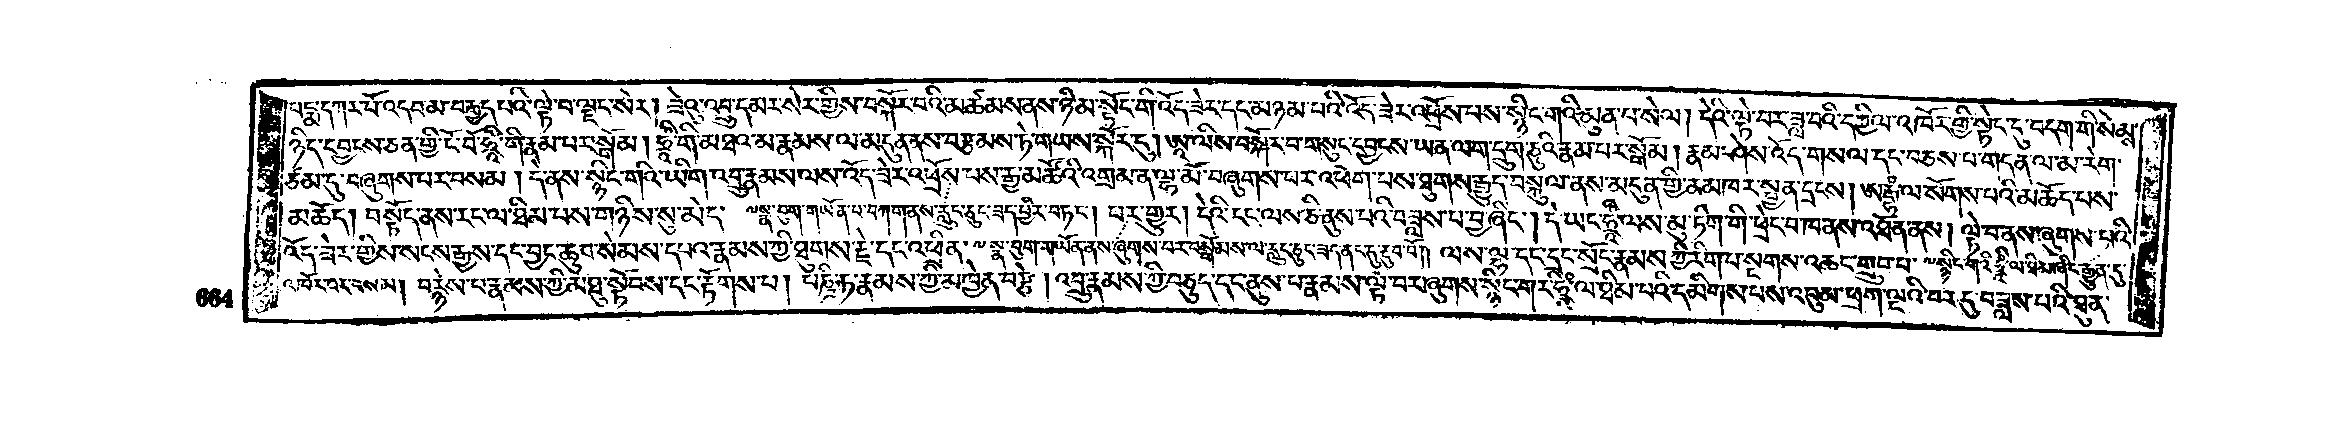པདམ་དཀར་པོ་འདབ་མ་བརྒྱད་པའི་ལྟེ་བ་ལྗང་སེར། ཟེའུ་འབྲུ་དམར་སེར་གྱིས་བསྐོར་བའི་མཚམས་ནས་ཉི་མ་སྟོང་གི་འོད་ཟེར་དང་མཉམ་པའི་འོད་ཟེར་འཕྲོས་པས་སྙིང་གའི་མུན་པ་སེལ། དེའི་ལྟེ་བར་ཟླ་བའི་དཀྱིལ་འཁོར་གྱི་སྟེང་དུ་བདག་གི་སེམས་
ཉིད་དབྱངས་ཅན་གྱི་ངོ་བོ་ཧྲཱིཾ་གི་རྣམ་པར་སྒོམ། ཧྲཱིཾ་གི་མཐའ་མ་རྣམས་ལ་མདུན་ནས་བརྩམས་ཏེ་གཡས་སྐོར་དུ། ཨཱ་ལིས་བསྐོར་བ་གསུང་དབྱངས་ཡན་ལག་དྲུག་ཅུའི་རྣམ་པར་སྒོམ། རྣམ་ཤེས་འོད་གསལ་དང་བཅས་པ་གདན་ལ་མ་རེག་
ཙམ་དུ་བཞུགས་པར་བསམ། དེ་ནས་སྙིང་གའི་ཡིག་འབྲུ་རྣམས་ལས་འོད་ཟེར་འཕྲོས་པས་རྒྱ་མཚོའི་འགྲམ་ན་ལྷ་མོ་བཞུགས་པར་འཕོག་པས་ཐུགས་རྒྱུད་བསྐུལ་ནས་མདུན་གྱི་ནམ་མཁར་སྤྱན་དྲངས། ཨརྒྷཾ་ལ་སོགས་པའི་མཆོད་པས་
མཆོད། བསྟོད་ནས་རང་ལ་ཐིམ་པས་གཉིས་སུ་མེད་~་སྣ་བུག་གཡོན་པ་བཀག་ནས་རླུང་ཅུང་ཟད་ཕྱིར་བཏང་།  པར་གྱུར། དེའི་ངང་ལས་ཅི་ནུས་པའི་བཟླས་པ་བྱ་ཞིང་། དེ་ཡང་ཧྲཱིཾ་ལས་མུ་ཏིག་གི་ཕྲེང་བ་ཁ་ནས་འཐོན་ནས། ལྟེ་བ་ནས་ཞུགས་པའི་
འོད་ཟེར་གྱིས་སངས་རྒྱས་དང་བྱང་ཆུབ་སེམས་དཔའ་རྣམས་ཀྱི་ཐུགས་རྗེ་དང་འཕྲིན་~་སྣ་བུག་གཡོན་ནས་ཞུགས་པར་བསྒོམས་ལ་རླུང་ཅུང་ཟད་ནང་དུ་རྡུབ་བོ།  །ལས་ལྷ་དང་དྲང་སྲོང་རྣམས་ཀྱི་རིག་པ་སྔགས་འཆང་གྲུབ་པ་~་སྙིང་གའི་ཧྲཱིཾ་ལ་ཐིམ་ཞིང་རྒྱུན་དུ་
འཁོར་བར་བསམ། བརྙེས་པ་རྣམས་ཀྱི་མཐུ་སྟོབས་དང་རྟོགས་པ། པཎྜི་ཏ་རྣམས་ཀྱི་མཁྱེན་བརྩེ། འབྲུ་རྣམས་ཀྱི་བཅུད་དང་ནུས་པ་རྣམས་ལྟེ་བར་ཞུགས་སྙིང་གར་ཧྲཱིཾ་ལ་ཐིམ་པའི་དམིགས་པས་འབུམ་ཕྲག་ལྔའི་བར་དུ་བཟླས་པའི་ཐུན་